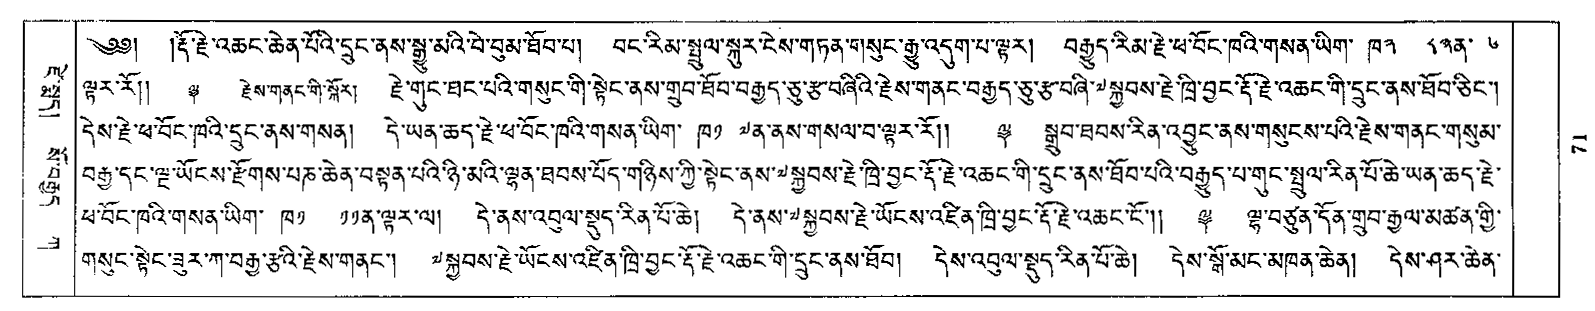༄༅། །རྡོ་རྗེ་འཆང་ཆེན་པོའི་དྲུང་ནས་སྒྱུ་མའི་བེ་བུམ་ཐོབ་པ། བང་རིམ་སྤྲུལ་སྐུར་ངེས་གཏན་གསུང་རྒྱུ་འདུག་པ་ལྟར། བརྒྱུད་རིམ་རྗེ་ཕ་བོང་ཁའི་གསན་ཡིག་ཁ ༢ ༨༣་ན ༦
ལྟར་རོ།། ༈ རྗེས་གནང་གི་སྐོར། རྗེ་གུང་ཐང་པའི་གསུང་གི་སྟེང་ནས་གྲུབ་ཐོབ་བརྒྱད་ཅུ་རྩ་བཞིའི་རྗེས་གནང་བརྒྱད་ཅུ་རྩ་བཞི་༧་སྐྱབས་རྗེ་ཁྲི་བྱང་རྡོ་རྗེ་འཆང་གི་དྲུང་ནས་ཐོབ་ཅིང་།
དེས་རྗེ་ཕ་བོང་ཁའི་དྲུང་ནས་གསན། དེ་ཡན་ཆད་རྗེ་ཕ་བོང་ཁའི་གསན་ཡིག་ཁ ༡་༧་ན་ནས་གསལ་བ་ལྟར་རོ།། ༈ སྒྲུབ་ཐབས་རིན་འབྱུང་ནས་གསུངས་པའི་རྗེས་གནང་གསུམ་
བརྒྱ་དང་ལྔ་ཡོངས་རྫོགས་པཎ་ཆེན་བསྟན་པའི་ཉི་མའི་ལྷན་ཐབས་པོད་གཉིས་ཀྱི་སྟེང་ནས་༧་སྐྱབས་རྗེ་ཁྲི་བྱང་རྡོ་རྗེ་འཆང་གི་དྲུང་ནས་ཐོབ་པའི་བརྒྱུད་པ་གུང་སྤྲུལ་རིན་པོ་ཆེ་ཡན་ཆད་རྗེ་
ཕ་བོང་ཁའི་གསན་ཡིག་ཁ ༡ ༡༡་ན་ལྟར་ལ། དེ་ནས་འབུལ་སྡུད་རིན་པོ་ཆེ། དེ་ནས་༧་སྐྱབས་རྗེ་ཡོངས་འཛིན་ཁྲི་བྱང་རྡོ་རྗེ་འཆང་ངོ།། ༈ ལྷ་བཙུན་དོན་གྲུབ་རྒྱལ་མཚན་གྱི་
གསུང་སྟེང་ཟུར་ཀ་བརྒྱ་རྩའི་རྗེས་གནང་། ༧སྐྱབས་རྗེ་ཡོངས་འཛིན་ཁྲི་བྱང་རྡོ་རྗེ་འཆང་གི་དྲུང་ནས་ཐོབ། དེས་འབུལ་སྡུད་རིན་པོ་ཆེ། དེས་སྒོ་མང་མཁན་ཆེན། དེས་ཤར་ཆེན་